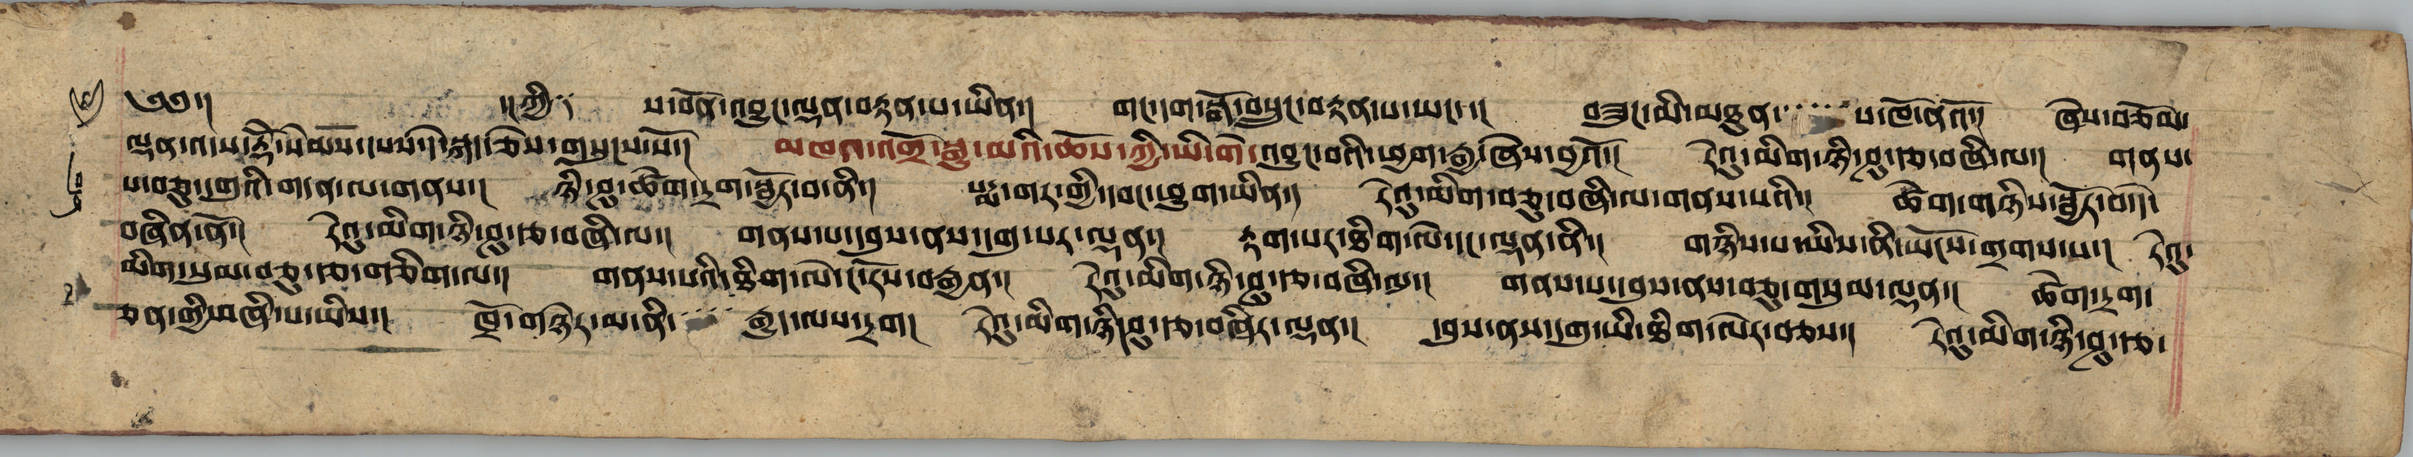༄༅་། ་།ཀྱི༑ ས་བོན་འབྱུང་ལྡན་བརྟན་པ་ཡིན་། གང་དག་སྒོ་བསྲུང་བརྟན་པ་ཡང་་། གཟུཌ་མི་མཐུན་་་་་་པ་ཁོ་ནའོ་། ཞེས་བཅོམ་
ལྡན་འདས་རྡོེ་སེམས་དཔས་དེ་སྐད་ཅེས་གསུངས་སོ་། མཁའ་འགྲོ་སྒྱུ་མའི་ཆོས་ཀྱི་ཡི་གེ་འབྱུང་བའི་ཕྱག་རྒྱ་ཞེས་བྱའོ་། རེའུ་མིག་ཉི་ཤུ་རྩ་བཞི་ལ་། གནས་
པ་བཅུ་དགུའི་གདན་ལ་གནས་། ཉི་ཤུ་ཚེག་དྲག་སྦྱོར་བ་ནི་། པདྨ་གར་གྱི་དབང་ཕྱུག་ཡིན་། རེའུ་མིག་བཅུ་བཞི་ལ་གནས་པའི་། ཚིག་གཉིས་སྦྱོར་བ་དེ་
བཞིན་ནོ་། རེའུ་མིག་ཉི་ཤུ་རྩ་བཞི་ལ་། གནས་པ་དབུས་ནས་དགུ་པར་ལྡན་། རྟག་པར་ཐིག་ལེ་དང་ལྡན་ནི་། གཉིས་པ་ཡིས་ནི་ཡོངས་གྲགས་པ་། རེའུ་
མིག་སུམ་བཅུ་རྩ་གཅིག་ལ་། གནས་པའི་ཐིག་ལེ་ང་རོས་བརྒྱན་། རེའུ་མིག་ཉི་ཤུ་རྩ་བཞི་ལ་། གནས་པ་དབུས་ནས་བཅུ་གསུམ་ལྡན་། ཚེག་དྲག་
ཅན་གྱི་བཞི་པ་ཡིས་། ཁྲོ་གཉེར་མ་ནི་་་་་ རྒྱུད་ལས་དྲག། རེའུ་མིག་ཉིདཤུ་རྩ་བཞིར་ལྡན་། དབུས་ནས་དགུ་ཡི་ཐིག་ལེར་བཅས་། རེའུ་མིག་ཉི་ཤུ་རྩ་